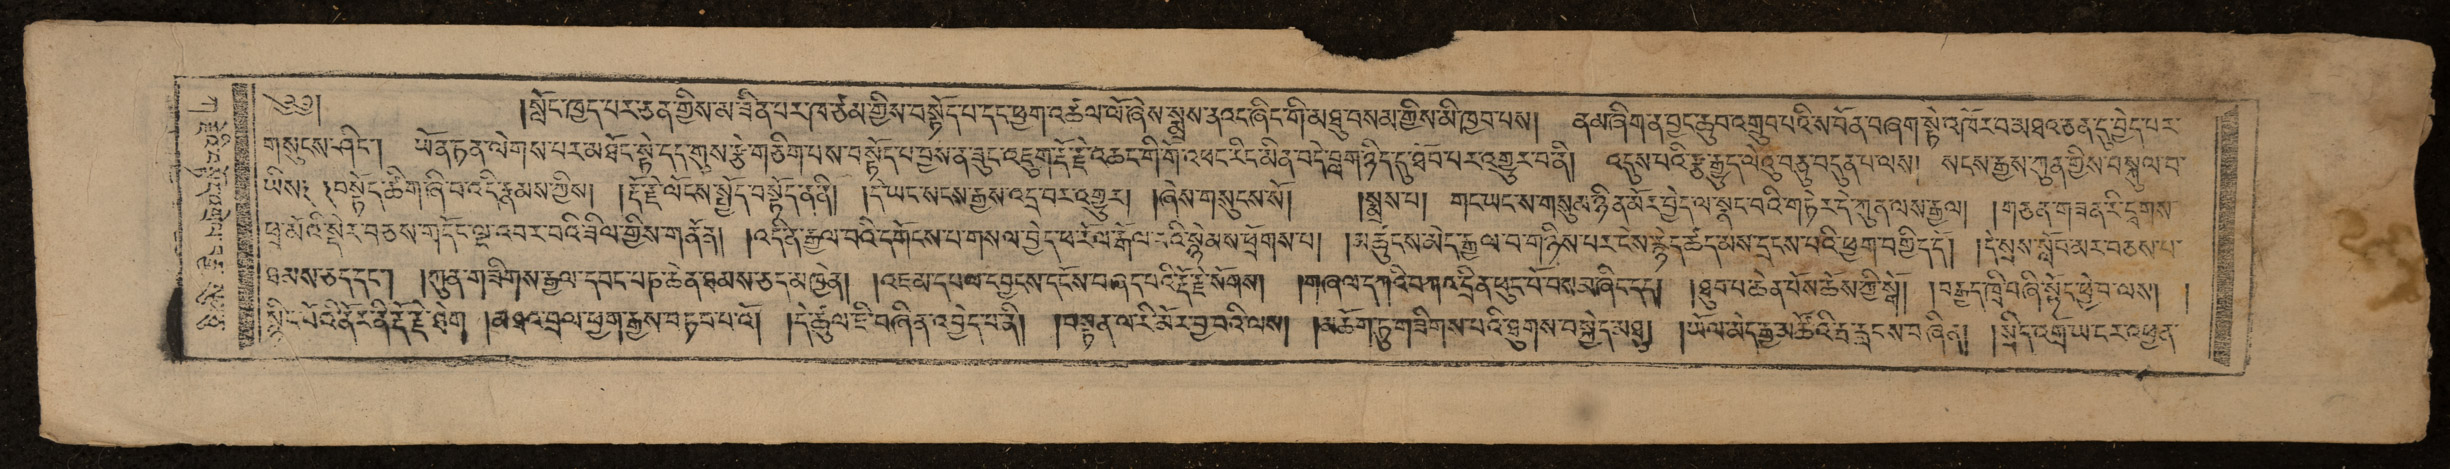༄༅། །སློང་ཁྱད་པར་ཅན་གྱིས་མ་ཟིན་པར་ཁ་ཙམ་གྱིས་བསྟོད་པ་དང་ཕྱག་འཚལ་ལོ་ཞེས་སྨྲས་ནའང་ཞིང་གི་མཐུ་བསམ་གྱིས་མི་ཁྱབ་པས། ནམ་ཞིག་ན་བྱང་ཆུབ་འགྲུབ་པའི་ས་བོན་བཞག་སྟེ་འཁོར་བ་མཐའ་ཅན་དུ་བྱེད་པར་
གསུངས་ཤིང་། ཡོན་ཏན་ལེགས་པར་མཐོང་སྟེ་དད་གུས་རྩེ་གཅིག་པས་བསྟོད་པ་བྱས་ན་ཟུང་འཇུག་རྡོ་རྗེ་འཆང་གི་གོ་འཕང་རིང་མིན་བདེ་བླག་ཉིད་དུ་ཐོབ་པར་འགྱུར་བ་ནི། འདུས་པའི་རྩ་རྒྱུད་ལེའུ་བཅུ་བདུན་པ་ལས། སངས་རྒྱས་ཀུན་གྱིས་བསྐུལ་བ་
ཡིས༑ ༑བསྟོད་ཚིག་ཞི་བ་འདི་རྣམས་ཀྱིས། །རྡོ་རྗེ་ལོངས་སྤྱོད་བསྟོད་ན་ནི། །དེ་ཡང་སངས་རྒྱས་འདྲ་བར་འགྱུར། །ཞེས་གསུངས་སོ། །སྨྲས་པ། གང་ཡང་ས་གསུམ་ཉིན་མོར་བྱེད་ལ་སྣང་བའི་གཏེར་དེ་ཀུན་ལས་རྒྱལ། །གཅན་གཟན་རི་དྭགས་
ཕྲ་མོའི་སྡེར་བཅས་གདོང་ལྔ་འབར་བའི་ཟིལ་གྱིས་གནོན། །འདི་ན་རྒྱལ་བའི་དགོངས་པ་གསལ་བྱེད་ཕ་རོལ་རྒོལ་བའི་སྙེམས་ཕྲོགས་པ། །མཚུངས་མེད་རྒྱལ་བ་གཉིས་པར་ངེས་རྙེད་ཚད་མས་དྲངས་པའི་ཕྱག་བགྱིད་དོ། །དེ་སྲས་སློབ་མར་བཅས་པ་
ཐམས་ཅད་དང་། །ཀུན་གཟིགས་རྒྱལ་དབང་པཎ་ཆེན་ཐམས་ཅད་མཁྱེན། །འཇམ་དཔལ་དབྱངས་དངོས་བཞད་པའི་རྡོ་རྗེ་སོགས། །གཞལ་དཀའི་བཀའ་འདྲིན་ཕུང་པོ་བསམ་ཞིང་དད། །ཐུབ་པ་ཆེན་པོས་ཆོས་ཀྱི་སྒོ། །བརྒྱད་ཁྲི་བཞི་སྟོང་ཕྱེ་བ་ལས། །
སྙིང་པོའི་ནོར་ནི་རྡོ་རྗེ་ཐེག །མཐའ་བྲལ་ཕྱག་རྒྱས་བཏབ་པའོ། །དེ་ཚུལ་ཇི་བཞིན་འབྱེད་པ་ནི། །བསྟན་ལ་རི་མོར་བྱ་བའི་ལས། །མཆོག་ཏུ་གཟིགས་པའི་ཐུགས་བསྐྱེད་མཐུ། །ཡོལ་མེད་རྒྱ་མཚོའི་རྦ་རླབས་བཞིན། །སྲིད་འགྲོ་ཡ་ངར་འཕྱན་